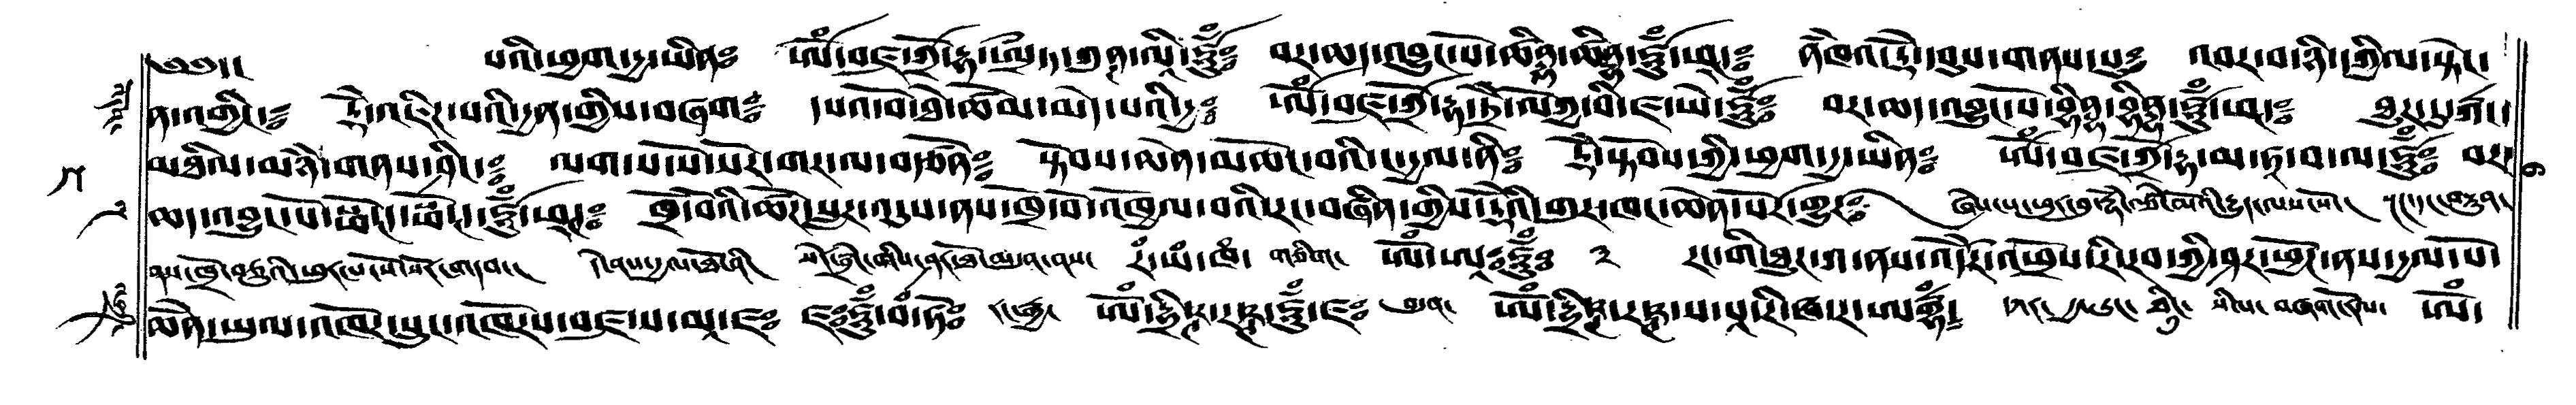པའི་ཕྱག་རྒྱ་ཡིན། །ཨོཾ་ཨ་བཛྲ་ཀྲོ་དྷ་ཨ་མྲིཏ་ཀུནྜ་ལཱི་ཧཱུྃཿ བར་ཆད་འབྱུང་པོ་ཚིནྡྷ་ཚིནྡྷ་ཧཱུྃ་ཕཊཿ ནམ་མཁའ་རྡོ་རྗེ་དབུས་གནས་སུ། །འབར་བ་ཉི་དཀྱིལ་སྟོང་
ན་འགྱིང་། །རྡོ་རྗེ་འཇིགས་པའི་རྒྱན་གྱིས་བཞག །དཔའ་བོ་ཐེ་ཚོམ་མེད་པའི་རྒྱ། །ཨོཾ་ཨ་བཛྲ་ཀྲོ་དྷ་ཏྲཻ་ལོཀྱ་བི་ཛ་ཡེ་ཧཱུྃཿ བར་ཆད་འབྱུང་པོབྷིནྡྷ་བྷིནྡྷ་ཧཱུྃ་ཕཊཿ ཐུར་དུ་རྐང་
མཐིལ་མཉམ་གནས་ཤིང་། །ལག་པ་སོ་སོར་གར་ལ་བརྩོན། །སྟོབས་ཆེན་མཆོང་བའི་ང་རྒྱལ་ནི། །རྡོ་རྗེ་སྟོབས་ཀྱི་ཕྱག་རྒྱ་ཡིན། །ཨོཾ་ཨ་བཛྲ་ཀྲོ་དྷ་མ་ཧཱ་བ་ལ་ཧཱུྃཿ བར་
ཆད་འབྱུང་པོ་སྥོ་ཊ་སྥོ་ཊ་ཧཱུྃ་ཕཊཿ ཁྲོ་བོའི་ཚོགས་སླར་འདུས་ནས་ཁྲོ་བོ་འཁྱིལ་བའི་རང་བཞིན་གྱིས་རྡོ་རྗེའི་གུར་ཁང་ཆེན་པོར་གྱུར། ཞེས་པ་ཕུར་བུ་རྡོ་རྗེ་རྩེ་མོའི་རྒྱུད་ལས་སོ། །སྔགས་དང་བསྟུན་
ནས་ཁྲོ་བཅུའི་ཕུར་པ་སོ་སོར་གདབ།དེ་ནས་རྒྱལ་ཐོ་ནི། སེར་སྦྲེང་གིས་ཤར་ཐོའི་མདུན་ནས། རཾ་ཡཾ་ཁཾ། ཨོཾ་ཨཱཿཧཱུྃ། རང་གི་ཐུགས་ཀ་ནས་འོད་ཟེར་འཕྲོས་རི་རབ་ཀྱི་ཤར་ཕྱོགས་ནས་རྒྱལ་པོ་
ཆེན་པོ་ཡུལ་འཁོར་སྲུང་འཁོར་བཅས་བཛྲ་ས་མཱ་ཛཿ ཛཿཧཱུྃ་བཾ་ཧོཿ རང་རྒྱ། ཨོཾ་དྷྲིཥྚ་རཥྚ་ཧཱུྃ་ཛཿ ལན་བདུན། ཨོཾ་དྷྲིཥྚ་རཥྚ་ས་པཱ་རི་ཝ་ར་ཨརྒྷཾ༴ དཀར། རྒྱ། དུང་། ཐིང་གཅིག ཟིལ། འཇོག་རོལ། ཨོཾ་